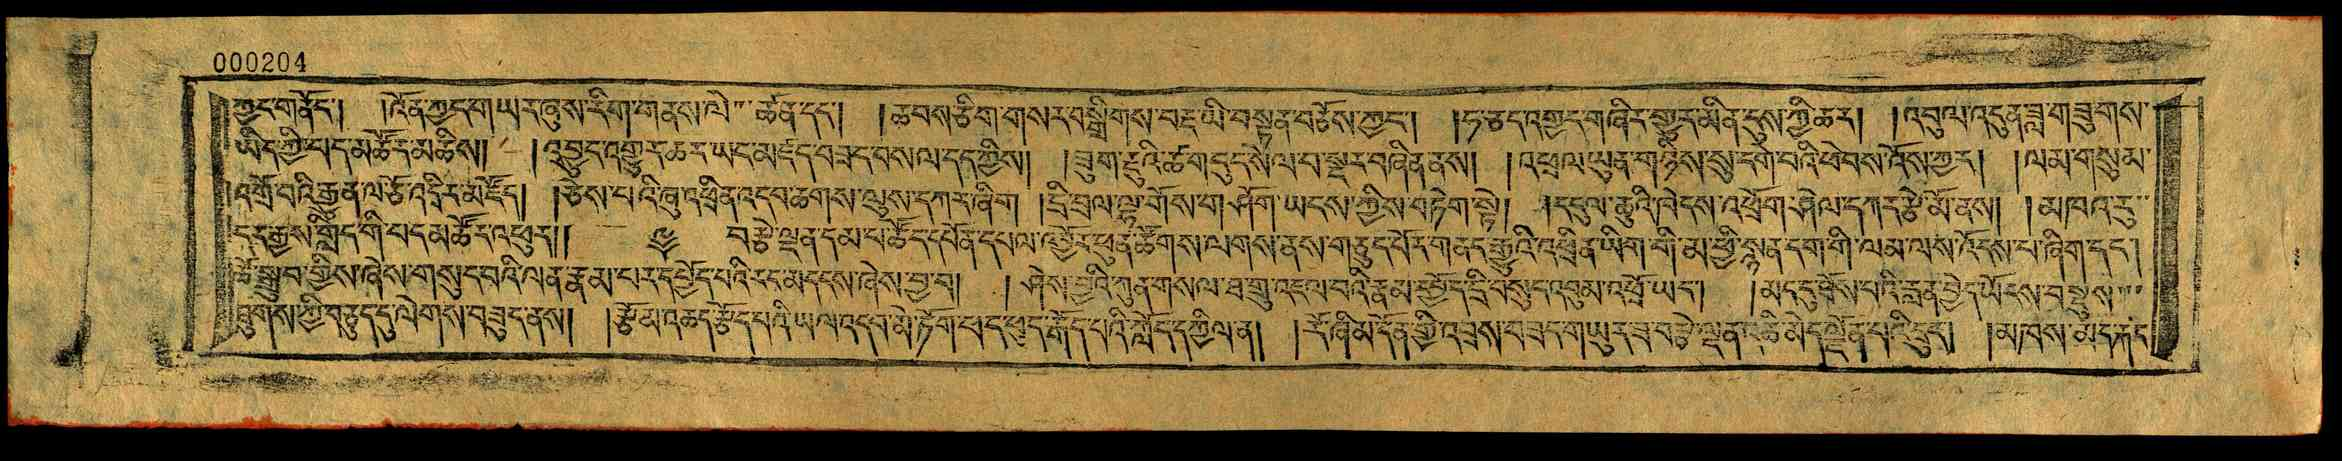ཀྱང་གནོད། །འོན་ཀྱང་གཡར་ཞུས་རིག་གནས་ལེ་་་ཚན་དང་། །ཆབས་ཅིག་གསང་བསྒྲིགས་བརྡ་ཡི་བསྟན་བཅོས་ཀྱང་། །ཧ་ཅང་འགྱང་གཞིར་གྱུར་མིན་དུས་ཀྱི་ཆར། །འབུལ་བདུན་ཟླ་གཟུགས་
ཡིད་ཀྱི་པད་མཚོར་མཆིས། །འབྱུང་འགྱུར་ཆར་ཡང་མཛད་བཟང་བསལ་དད་ཀྱིས། །ཟུག་རྡུའི་ཆ་གདུང་སེལ་པ་སྡང་བཞིན་ནས། །འཕྲལ་ཡུན་གཉིས་སུ་དག་པའི་ཕེབས་འོས་ཀྱང་། །ལམ་གསུམ་
འགྲོ་བའི་རྒྱུན་ལ་ཅོ་འདྲིར་མཛོད། །ཅེས་པའི་ཞུ་འཕྲིན་འདབ་ཆགས་ལུས་དཀར་ཞིག །དྲི་བྲལ་ལྷ་གོས་གཤོག་ཡང་ཀྱིས་བཏབ་སྟེ། །དངུལ་ཆུའི་ཁེངས་འཕྲོག་ཤེལ་དཀར་རྩེ་མོ་ནས། །མཁའ་རུ་
དང་རྒྱས་གླིང་གི་པད་མཚོར་འཕུར།། འ་བརྩེ་ལྡན་དམ་པ་ཚོད་དཔོན་དཔལ་འབྱོར་ཕུན་ཚོགས་ལགས་ནས་གཅུང་པོར་གནང་རྒྱུའི་འཕྲིན་ཡིག་གི་མ་ཕྱི་སྙན་ངག་གི་ལམ་ལས་འོངས་བ་ཞིག་དང་
ཚེ་སྒྲུབ་གྱིས་ཞེས་གསུང་པའི་ལན་རྣམ་པར་དཔྱོད་པའི་རང་མདངས་ཞེས་བྱ་བ། །ཤེས་བྱའི་ཀུན་གསལ་ཐ་གྲུ་འཇལ་པའི་རྣམ་དཔྱོད་དྲི་བསུང་འབུམ་འཕྲོ་ཡང་། །མང་དུ་ཐོས་པའི་རླན་བྱེད་ཡོངས་བསྡུས་
ཐུགས་ཀྱི་བཅུད་དུ་ལེགས་བཟུང་ནས། །རྩོམ་འཆད་རྩོད་པའི་ཡལ་འདབ་མེ་ཏོག་ཕང་ཕུང་རྒོད་པའི་ཀློང་དཀྱིལ་ན། །ངོ་ཞིམ་དོན་གྱི་འབྲས་བཟང་གཡུར་ཟ་བརྩེ་ལྡན་འཆི་མེད་ལྗོན་པའི་དྲུང་། །མཁས་མེད་རྐང་